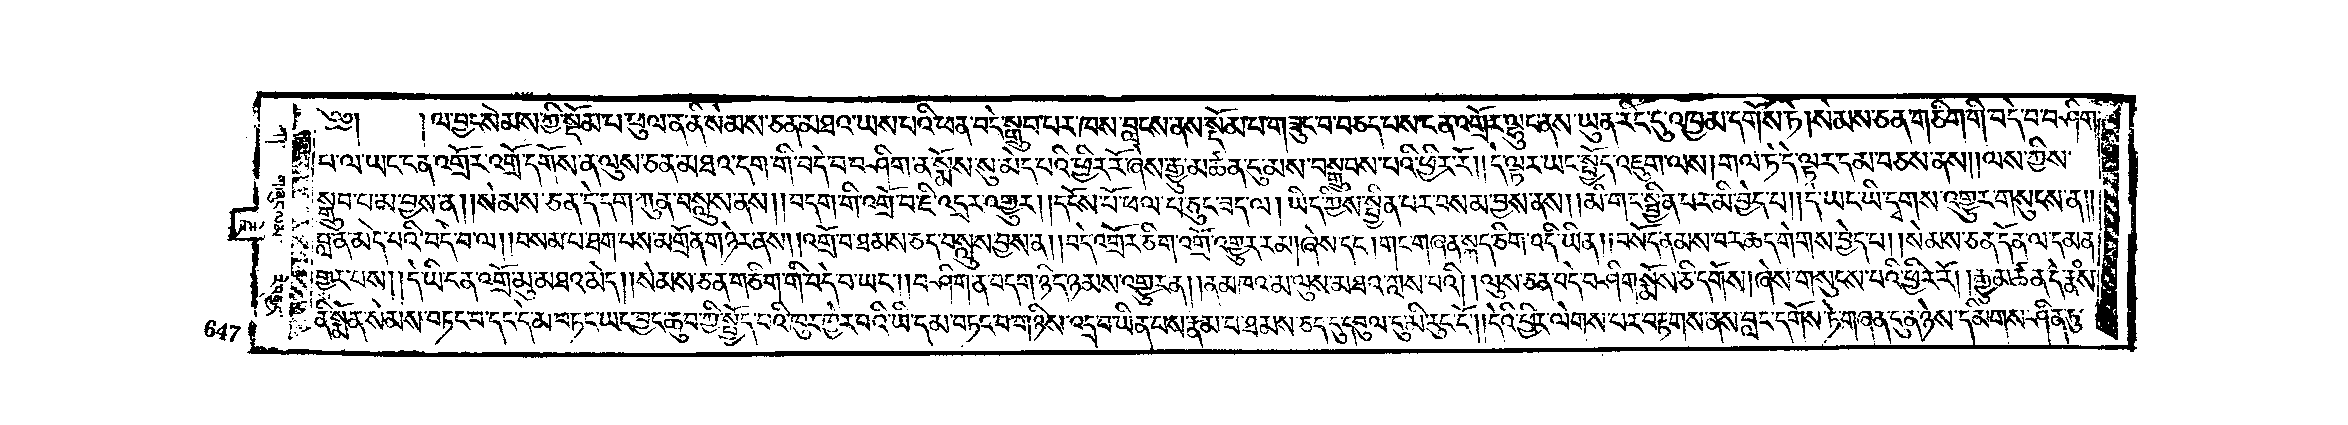༄༅། །ལ་བྱང་སེམས་ཀྱི་སྡོམ་པ་ཕུལ་ན་ནི་སེམས་ཅན་མཐའ་ཡས་པའི་ཕན་བདེ་སྒྲུབ་པར་ཁས་བླངས་ནས་སྡོམ་པ་གཟུང་བ་བཅད་པས་ངན་འགྲོར་ལྷུང་ནས་ཡུན་རིང་དུ་འཁྱམ་དགོས་ཏེ། སེམས་ཅན་གཅིག་གི་བདེ་བ་བཤིག་
པ་ལ་ཡང་ངན་འགྲོར་འགྲོ་དགོས་ན་ལུས་ཅན་མཐའ་དག་གི་བདེ་བ་བཤིག་ན་སྨོས་སུ་མེད་པའི་ཕྱིར་རོ་ཞེས་རྒྱུ་མཚན་དུ་མས་བསྒྲུབས་པའི་ཕྱིར་རོ། །དེ་ལྟར་ཡང་སྤྱོད་འཇུག་ལས། གལ་ཏེ་དེ་ལྟར་དམ་བཅས་ནས། །ལས་ཀྱིས་
སྒྲུབ་པ་མ་བྱས་ན། །སེམས་ཅན་དེ་དག་ཀུན་བསླུས་ནས། །བདག་གི་འགྲོ་བ་ཇི་འདྲར་འགྱུར། །དངོས་པོ་ཕལ་པ་ཅུང་ཟད་ལ། ཡིད་ཀྱིས་སྤྱིན་པར་བསམ་བྱས་ནས། །མི་གང་སྦྱིན་པར་མི་བྱེད་པ། །དེ་ཡང་ཡི་དྭགས་འགྱུར་གསུངས་ན། །
བླ་ན་མེད་པའི་བདེ་བ་ལ། །བསམ་པ་ཐག་པས་མགྲོན་གཉེར་ནས། །འགྲོ་བ་ཐམས་ཅད་བསླུས་བྱས་ན། །བདེ་འགྲོར་ཅིག་འགྲོ་འགྱུར་རམ། ཞེས་དང་། གང་གཞན་སྐད་ཅིག་འདི་ཡིན། །བསོད་ནམས་བར་ཆད་གེགས་བྱེད་པ། །སེམས་ཅན་དོན་ལ་དམན་
གྱུར་པས། །དེ་ཡི་ངན་འགྲོ་མུ་མཐའ་མེད། །སེམས་ཅན་གཅིག་གི་བདེ་བ་ཡང་། །བཤིག་ན་བདག་ཉིད་ཉམས་འགྱུར་ན། །ནམ་མཁའ་མ་ལུས་མཐའ་ཀླས་པའི། །ལུས་ཅན་བདེ་བཤིག་སྨོས་ཅི་དགོས། ཞེས་གསུངས་པའི་ཕྱིར་རོ། །རྒྱུ་མཚན་དེ་རྣཾས་
ནི་སྨོན་སེམས་བཏང་བ་དང་དེ་མ་བཏང་ཡང་བྱང་ཆུབ་ཀྱི་སྤྱོད་པའི་ཁུར་ཁྱེར་བའི་ཡི་དམ་བཏང་བ་གཉིས་འདྲ་བ་ཡིན་པས་རྣམ་པ་ཐམས་ཅད་དུ་དབུལ་དུ་མི་རུང་ངོ། །དེའི་ཕྱིར་ལེགས་པར་བརྟགས་ནས་བླང་དགོས་ཏེ་གཞན་དུ་ན་ཉེས་དམིགས་ཤིན་ཏུ་